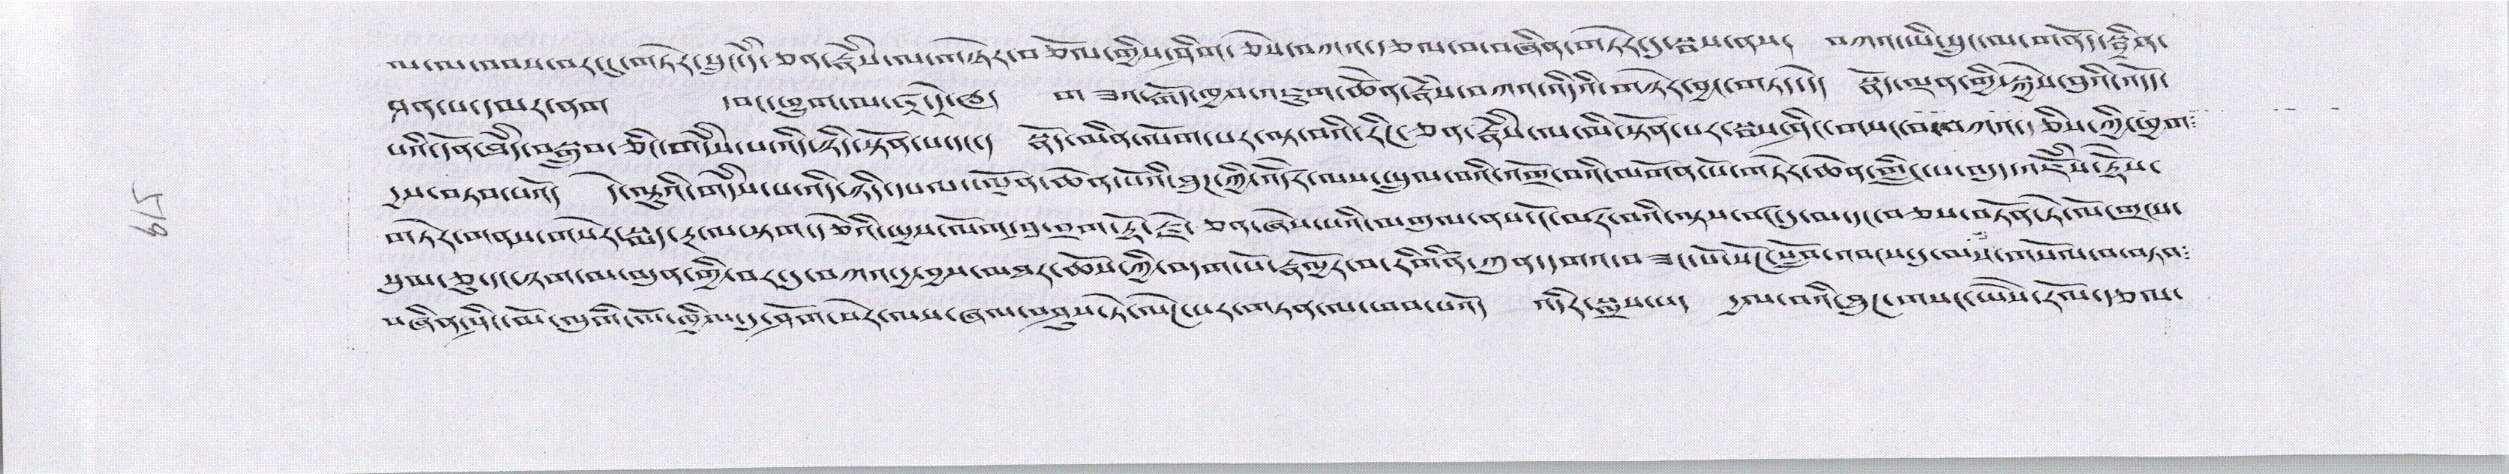ལ་མ་བབས་བར་དུ་གཏེར་སྲུང་དམ་ཅན་རྣམས་ལ་གཉེར་བཅོལ་གྱིས་ཤིག་ཅེས་བཀའ་སྩལ་པ་བཞིན་གཏེར་དུ་སྦས་ནས། བཀའ་ཡི་སྲུང་མ་གནོད་སྦྱིན་
ཤན་པ་དམར་ནག དབང་ཕྱུག་མ་ཧཱ་དཱེ་ཝ། གཟའ་རྒོད་ཁྱབ་འཇུག་ཆེན་པོ་རྣམས་བཀའ་འདིའི་གཉེར་བྱང་གཏད་དེ། སྣོད་ལྡན་གྱི་སྐྱེས་བུའི་འདོད་
པའི་དོན་ཐམས་ཅད་བསྒྲུབ་ཅིང་གདམས་པ་འདི་ཉིད་སྟོན་པ་དང་། སྣོད་མིན་ལོག་པར་ལྟ་བའི་རིགས་རྣམས་ལ་མི་སྟོན་པར་སྦས་ཤིང་གསང་བ་བཀའ་རྩིས་ཀྱི་ཕྱག་
རྒྱས་བཏབ་པའོ། །དེ་ལྟ་བུའི་གདམས་པ་འདི་དཔལ་ཨོ་རྒྱན་ཆེན་པོའི་ཐུགས་ཀྱི་འོད་ཟེར་ལས་སྤྲུལ་པའི་འགྲོ་བའི་མགོན་པོ་གཏེར་ཆེན་གླིང་པ་བདུད་འཇོམས་རྡོ་རྗེས་
གཏེར་གནས་གསེར་སྨད་སྔ་ལ་སྟག་རྩེའི་གཡས་ལོག་ན་བྲག་རྡོ་རྗེ་ཅན་ཞེས་པའི་མགུལ་ནས་ངོ་མཚར་བའི་ལྟས་བཟང་དུ་མ་དང་བཅས་བཏོན་ཏེ་ལོ་གྲངས་
སུམ་ཅུ་དང་ཉག་མ་བདུན་གྱི་བར་དུ་བཀའ་རྒྱ་བྱས་མཐར་ཆོས་ཀྱི་བདག་པོ་རྣལ་འབྱོར་བ་རིག་འཛིན་ཀུན་དགའ་བཟང་པོ་སོགས་སློབ་འབངས་དུ་མས་གསོལ་བ་བཏབ་
བཞིན་ཤིང་མོ་ལུག་གི་ལོ་ཁྱིམ་དུ་ཤོག་སེར་ལས་ཞལ་བཤུས་ཏེ་ལེགས་པར་གཏན་ལ་ཕབ་པའོ། །འདིར་སྨྲས་པ། རྒྱལ་བའི་ཐུགས་གསང་ཡེ་ཤེས་རོལ་རྩལ་